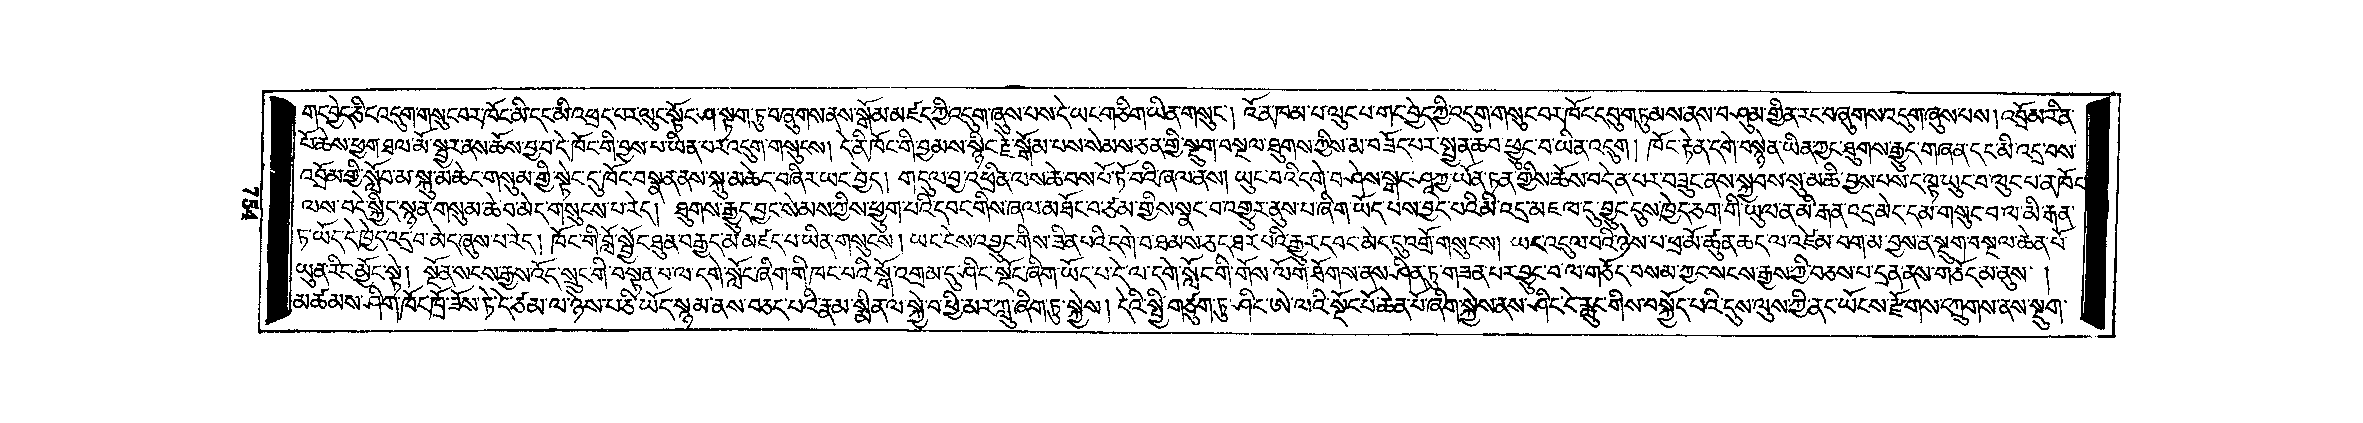གང་བྱེད་ཅིང་འདུག་གསུང་བར་ཁོང་མི་དང་མི་འཕྲད་པར་ལུང་སྟོང་ཤ་སྟག་ཏུ་བཞུགས་ནས་སྒོམ་མཛད་ཀྱི་འདུག་ཞུས་པས་དེ་ཡང་གཅིག་ཡིན་གསུང་། འོ་ན་ཁམ་པ་ལུང་པ་གང་བྱེད་ཀྱི་འདུག་གསུང་བར་ཁོང་དབུ་གཏུམས་ནས་བཤུམ་གྱིན་རང་བཞུགས་འདུག་ཞུས་པས། འབྲོམ་རིན་
པོ་ཆེས་ཕྱག་ཐལ་མོ་སྦྱར་ནས་ཆོས་བྱ་བ་དེ་ཁོང་གི་བྱས་པ་ཡིན་པར་འདུག་གསུངས། དེ་ནི་ཁོང་གི་བྱམས་སྙིང་རྗེ་སྒོམ་པས་སེམས་ཅན་གྱི་སྡུག་བསྔལ་ཐུགས་ཀྱིས་མ་བཟོད་པར་སྤྱན་ཆབ་ཕྱུང་བ་ཡིན་འདུག །ཁོང་རྟེན་དགེ་བསྙེན་ཡིན་ཀྱང་ཐུགས་རྒྱུད་གཞན་དང་མི་འདྲ་བས་
འབྲོམ་གྱི་སློབ་མ་སྐུ་མཆེད་གསུམ་གྱི་སྟེང་དུ་ཁོང་བསྣན་ནས་སྐུ་མཆེད་བཞིར་ཡང་བྱེད། གདུལ་བྱ་འཕྲིན་ལས་ཆེ་བས་པོ་ཏོ་བའི་ཞལ་ནས། ཡུང་བའི་དགེ་བཤེས་སྒང་ཤཱཀྱ་ཡོན་ཏན་གྱིས་ཆོས་བདེན་པར་བཟུང་ནས་སྐྱབས་སུ་མཆི་བྱས་པས་ད་ལྟ་ཡུང་བ་ལུང་པ་ན་ཁོང་
ལས་བདེ་སྐྱིད་སྙན་གསུམ་ཆེ་བ་མེད་གསུངས་པ་རེད། ཐུགས་རྒྱུད་བྱང་སེམས་ཀྱིས་ཕྱུག་པའི་དབང་གིས་ཞལ་མཐོང་བ་ཙམ་གྱིས་སྣང་བ་འགྱུར་ནུས་པ་ཞིག་ཡོད་པས་བྱད་པའི་མི་འདྲ་མཇལ་དུ་བྱུང་དུས་ཁྱེད་ཅག་གི་ཡུལ་ན་མི་རྒན་འདྲ་མེད་དམ་གསུང་བ་ལ་མི་རྒན་
ཏ་ཡོད་དེ་ཁྱེད་འདྲ་བ་མེད་ཞུས་པ་རེད། ཁོང་གི་བློ་སྦྱོང་ཐུན་བརྒྱད་མ་མཛད་པ་ཡིན་གསུངས། ཡང་ངེས་འབྱུང་གིས་ཟིན་པའི་དགེ་བ་ཐམས་ཅད་ཐར་པའི་རྒྱུར་དབང་མེད་དུ་འགྲོ་གསུངས། ཡང་འདུལ་བའི་ཉེས་པ་ཕྲ་མོ་ཚུན་ཆད་ལ་འཛེམ་བག་མ་བྱས་ན་སྡུག་བསྔལ་ཆེན་པོ་
ཡུན་རིང་མྱོང་སྟེ། སྔོན་སངས་རྒྱས་འོད་སྲུང་གི་བསྟན་པ་ལ་དགེ་སློང་ཞིག་གི་ཁང་པའི་སྒོ་འགྲམ་དུ་ཤིང་སྡོང་ཞིག་ཡོད་པ་དེ་ལ་དགེ་སློང་གི་གོས་ལོག་ཐོགས་ནས་ཤིན་ཏུ་གཟན་པར་བྱུང་བ་ལ་གཅོད་བསམ་ཀྱང་སངས་རྒྱས་ཀྱི་བཅས་པ་དྲན་ནས་གཅོད་མ་ནུས།
མཚམས་ཤིག་ཁོང་ཁྲོ་ཟོས་ཏེ་དེ་ཙམ་ལ་ཉེས་པ་ཅི་ཡོད་སྙམ་ནས་བཅད་པའི་རྣམ་སྨིན་ལ་སྐྱེ་བ་ཕྱི་མར་ཀླུ་ཞིག་ཏུ་སྐྱེས། དེའི་སྤྱི་གཙུག་ཏུ་ཤིང་ཨེ་ལའི་སྡོང་པོ་ཆེན་པོ་ཞིག་སྐྱེས་ནས་ཤིང་ངེ་རླུང་གིས་བསྐྱོད་པའི་དུས་ལུས་ཀྱི་ནང་ཡོངས་རྫོགས་དཀྲུགས་ནས་སྡུག་